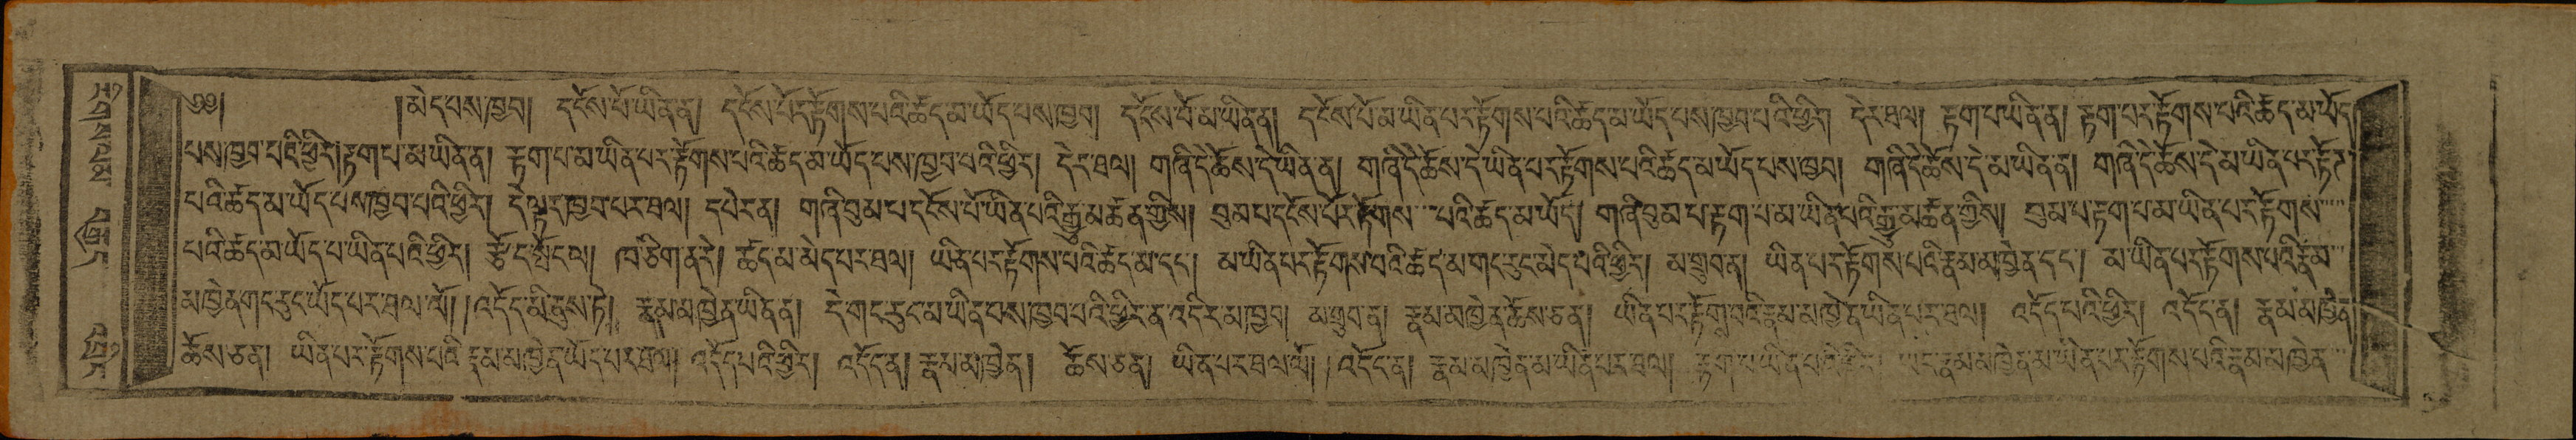༄༅། །་མེད་པས་ཁྱབ། དངོས་པོ་ཡིན་ན། དངོས་པོར་རྟོགས་པའི་ཚད་མ་ཡོད་པས་ཁྱབ། དངོས་པོ་མ་ཡིན་ན། དངོས་པོ་མ་ཡིན་པར་རྟོགས་པའི་ཚད་མ་ཡོད་པས་ཁྱབ་པའི་ཕྱིར། དེར་ཐལ། རྟག་པ་ཡིན་ན། རྟག་པར་རྟོགས་པའི་ཚད་མ་ཡོད་
པས་ཁྱབ་པའི་ཕྱིར། རྟག་པ་མ་ཡིན་ན། རྟག་པ་མ་ཡིན་པར་རྟོགས་པའི་ཚད་མ་ཡོད་པས་ཁྱབ་པའི་ཕྱིར། དེར་ཐལ། གཞི་དེ་ཆོས་དེ་ཡིན་ན། གཞི་དེ་ཆོས་དེ་ཡིན་པར་རྟོགས་པའི་ཚད་མ་ཡོད་པས་ཁྱབ། གཞི་དེ་ཆོས་དེ་མ་ཡིན་ན། གཞི་དེ་ཆོས་དེ་མ་ཡིན་པར་རྟོགས་
པའི་ཚད་མ་ཡོད་པ་ཡིན་པའི་ཕྱིར། རྩོད་སྤོང་ལ། ཁ་ཅིག་ན་རེ། ཚད་མ་མེད་པར་ཐལ། ཡིན་པར་རྟོགས་པའི་ཚད་མ་དང་། མ་ཡིན་པར་རྟོགས་པའི་ཚད་མ་གང་རུང་མེད་པའི་ཕྱིར། མ་གྲུབ་ན། ཡིན་པར་རྟོགས་པའི་རྣམ་མཁྱེན་དང་། མ་ཡིན་པར་རྟོགས་པའི་རྣམ་
མཁྱེན་གང་རུང་ཡོད་པར་ཐལ་ལོ། །འདོད་མི་ནུས་ཏེ། རྣམ་མཁྱེན་ཡིན་ན། དེ་གང་རུང་མ་ཡིན་པས་ཁྱབ་པའི་ཕྱིར་ན་འདིར་མ་ཁྱབ། མ་གྲུབ་ན། རྣམ་མཁྱེན་ཆོས་ཅན། ཡིན་པར་རྟོགས་པའི་རྣམ་མཁྱེན་ཡིན་པར་ཐལ། འདོད་པའི་ཕྱིར། འདོད་ན། རྣམ་མཁྱེན་
ཆོས་ཅན། ཡིན་པར་རྟོགས་པའི་རྣམ་མཁྱེན་ཡོད་པར་ཐལ། འདོད་པའི་ཕྱིར། འདོད་ན། རྣམ་མཁྱེན། ཆོས་ཅན། ཡིན་པར་ཐལ་ལོ། །འདོད་ན། རྣམ་མཁྱེན་མ་ཡིན་པར་ཐལ། རྟག་པ་ཡིན་པའི་ཕྱིར། ཡང་རྣམ་མཁྱེན་མ་ཡིན་པར་རྟོགས་པའི་རྣམ་མཁྱེན་